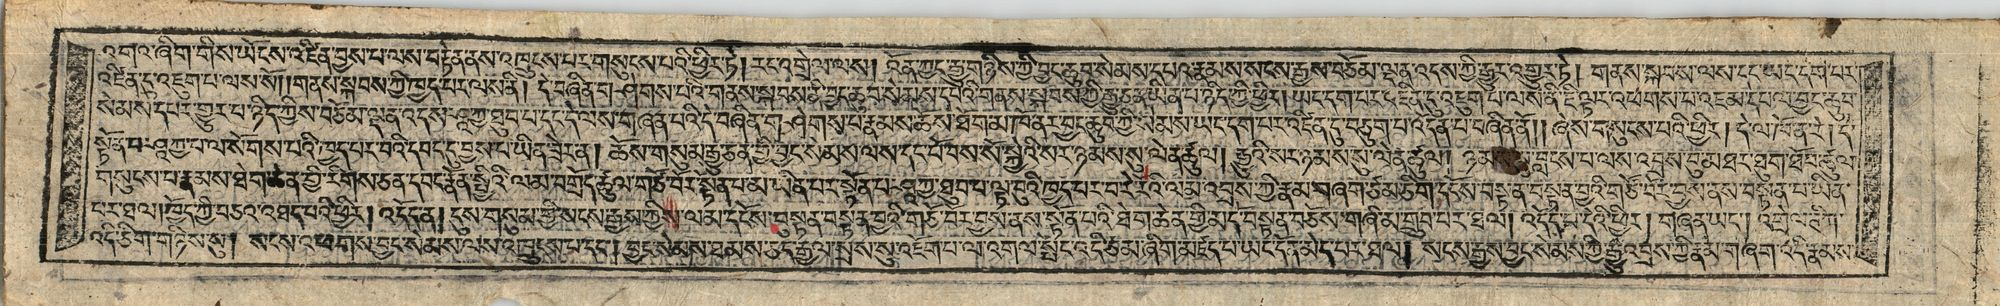འགའ་ཞིག་གིས་ཡོངས་འཛིན་བྱས་པ་ལས་བརྟེན་ནས་འཁྲུངས་པར་གསུངས་པའི་ཕྱིར་ཏེ། རང་འགྲེལ་ལས། འོན་ཀྱང་རྒྱུ་གཉིས་ཀྱི་བྱང་ཆུབ་སེམས་དཔའ་རྣམས་སངས་རྒྱས་བཅོམ་ལྡན་འདས་ཀྱི་རྒྱུར་འགྱུར་ཏེ། གནས་སྐབས་ལས་དང་ཡང་དག་པར་
འཛིན་དུ་འཇུག་པ་ལས་སོ། །གནས་སྐབས་ཀྱི་ཁྱད་པར་ལས་ནི། དེ་བཞིན་གཤེགས་པའི་གནས་སྐབས་ནི་བྱང་ཆུབ་སེམས་དཔའི་གནས་སྐབས་ཀྱི་རྒྱུ་ཅན་ཡིན་པ་ཉིད་ཀྱི་ཕྱིར། ཡང་དག་པར་འཛིན་དུ་འཇུག་པ་ལས་ནི་ཇི་ལྟར་འཕགས་པ་འཇམ་དཔལ་བྱང་ཆུབ་
སེམས་དཔར་གྱུར་པ་ཉིད་ཀྱིས་བཅོམ་ལྡན་འདས་ཤཱཀྱ་ཐུབ་པ་དང་དེ་ལས་གཞན་པའི་དེ་བཞིན་གཤེགས་པ་རྣམས་ཆེས་ཐོག་མ་ཁོ་ནར་བྱང་ཆུབ་ཀྱི་སེམས་ཡང་དག་པར་འཛིན་དུ་བཅུག་པ་འདོན་པ་བཞིན་ནོ། །ཞེས་གསུངས་པའི་ཕྱིར། དེ་ལ་ཁོ་ན་རེ། དེ་
སྟོན་པ་ཤཱཀྱ་པ་ལ་སོགས་པའི་ཁྱད་པར་བའི་དབང་དུ་བྱས་པ་ཡིན་ཟེར་ན། ཆོས་གསུམ་རྒྱུ་ཅན་གྱི་བྱང་སེམས་ལས་དང་པོ་བས་སོ་སྐྱེའི་སར་ཉམས་སུ་ལེན་ཚུལ། རྒྱུའི་སར་ཉམས་སུ་ལེན་ཚུལ། ཉམས་སུ་བླངས་པ་ལས་འབྲས་བུ་མཐར་ཐུག་ཐོབ་ཚུལ་
གསུངས་པ་རྣམས་ཐེག་ཆེན་གྱི་རིགས་ཅན་དབང་རྣོན་སྤྱིའི་ལམ་བགྲོད་ཚུལ་གཙོ་བོར་སྟོན་པ་མ་ཡིན་པར་སྟོན་པ་ཤཱཀྱ་ཐུབ་པ་ལྟ་བུའི་ཁྱད་པར་བ་རེ་རེའི་ལམ་འབྲས་ཀྱི་རྣམ་གཞག་ཙམ་ཅིག་དངོས་བསྟན་བསྟན་བྱའི་གཙོ་བོར་བྱས་ནས་བསྟན་པ་ཡིན་
པར་ཐལ། ཁྱོད་ཀྱི་བཅའ་འཐད་པའི་ཕྱིར། འདོད་ན། དུས་གསུམ་གྱི་སངས་རྒྱས་ཀྱི་ལམ་དངོས་བསྟན་བསྟན་བྱའི་གཙོ་བོར་བྱས་ནས་སྟོན་པའི་ཐེག་ཆེན་གྱི་མདོ་བསྟན་བཅོས་གཞི་མ་གྲུབ་པར་ཐལ། འདོད་པ་དེའི་ཕྱིར། གཞན་ཡང་། འགྲེལ་ཊིཀ་
འདི་ཅིག་གཉིས་སུ། སངས་འཕགས་བྱང་སེམས་ལས་འཁྲུངས་པ་དང་། བྱང་སེམས་ཐམས་ཅད་རྒྱལ་སྲས་སུ་འཇོག་པ་ལ་འགལ་སྤོང་འདི་ཙམ་ཞིག་མཛད་པ་ཡང་དོན་མེད་པར་ཐལ། སངས་རྒྱས་བྱང་སེམས་ཀྱི་རྒྱུ་འབྲས་ཀྱི་རྣམ་གཞག་འདི་རྣམས་